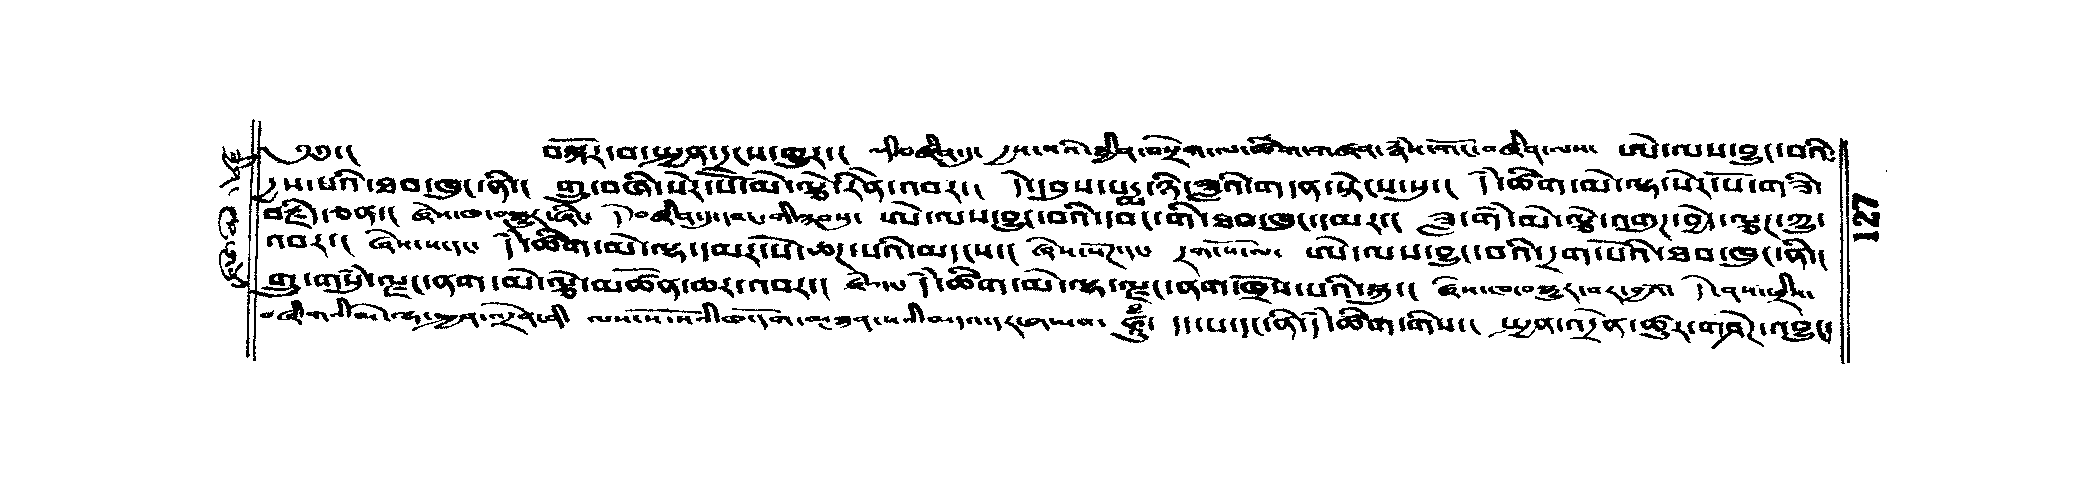བསྐོར་བ་སྤྱན་དྲངས་གྱུར། ། འདི་བཞིན་དུ། རྒྱས་པའི་སྦྱིན་བསྲེག་ལ་ཚིག་གཞན་རྣམས་གོང་བཞིན་ལས། ཨེ་ལས་བྱུང་བའི་
རྒྱས་པའི་ཐབ་ཁུང་ནི། །གྲུ་བཞི་སེར་པོ་མེ་ལྕེ་རིན་ཆེན་འབར། །དེ་དབུས་པདྨ་ཉི་ཟླའི་གདན་སྟེངས་སུ། ། དམ་ཚིག་མེ་ལྷ་སེང་གེ་གཟི་
བརྗིད་ཅན། །ཞེས་ཁ་བསྒྱུར་ཞིང་། དེ་བཞིན་དུ་དབང་གི་སྐབས་སུ། ཨེ་ལས་བྱུང་བའི་དབང་གི་ཐབ་ཁུང་དམར། །ཟླ་གམ་མེ་ལྕེ་འགུགས་བྱེད་ལྕགས་ཀྱུ་
འབར། ། ཞེས་པ་དང་། དམ་ཚིག་མེ་ལྷ་དམར་པོ་ཆགས་པའི་མདངས། ། ཞེས་སོགས་དང་། དྲག་པོ་ལ། ཨེ་ལས་བྱུང་བའི་དྲག་པོའི་ཐབ་ཁུང་ནི། །
གྲུ་གསུམ་ལྗང་ནག་མེ་ལྕེ་མཚོན་ཆར་འབར། ། ཞེས་དང་། དམ་ཚིག་མེ་ལྷ་ལྗང་ནག་ཁྲོས་པའི་སྐུ།ཞེས་པས་ཁ་བསྒྱུར་བར་བྱའོ། དེ་ནས་ཕྲིན་ལས་
བཞི་གའི་མེ་ལྷ་སྤྱན་འདྲེན་ནི། ལས་སོ་སོའོ་ཁ་དོག་མཐུན་པའི་མདའ་དར་གཡབ། ཧཱུྃ། དད་པ་དང་ནི་དམ་ཚིག་གིས། །སྤྱན་འདྲེན་ཚུར་གཤེགས་འབྱུང་